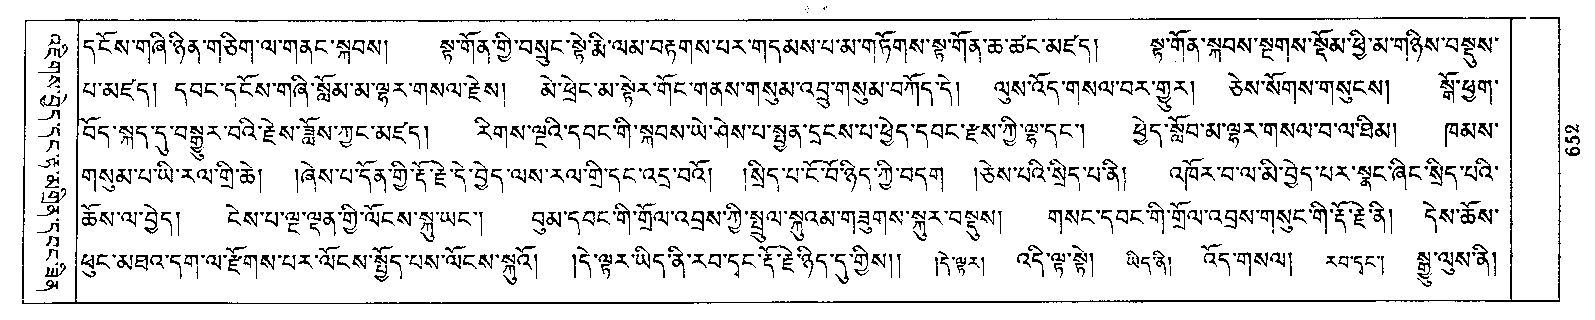དངོས་གཞི་ཉིན་གཅིག་ལ་གནང་སྐབས། སྟ་གོན་གྱི་བསྲུང་སྟེ་རྨི་ལམ་བརྟགས་པར་གདམས་པ་མ་གཏོགས་སྟ་གོན་ཆ་ཚང་མཛད། སྟ་གོན་སྐབས་སྔགས་སྡོམ་ཕྱི་མ་གཉིས་བསྡུས་
པ་མཛད། དབང་དངོས་གཞི་སློམ་མ་ལྷར་གསལ་རྗེས། མེ་ཕྲེང་མ་སྟེར་གོང་གནས་གསུམ་འབྲུ་གསུམ་བཀོད་དེ། ལུས་འོད་གསལ་བར་གྱུར། ཅེས་སོགས་གསུངས། སྒོ་ཕྱག་
བོད་སྐད་དུ་བསྒྱུར་བའི་རྗེས་ཟློས་ཀྱང་མཛད། རིགས་ལྔའི་དབང་གི་སྐབས་ཡེ་ཤེས་པ་སྤྱན་དྲངས་པ་ཕྱེད་དབང་རྫས་ཀྱི་ལྷ་དང་། ཕྱེད་སློབ་མ་ལྷར་གསལ་བ་ལ་ཐིམ། ཁམས་
གསུམ་པ་ཡི་རལ་གྲི་ཆེ། །ཞེས་པ་དོན་གྱི་རྡོ་རྗེ་དེ་བྱེད་ལས་རལ་གྲི་དང་འདྲ་བའོ། །སྲིད་པ་ངོ་བོ་ཉིད་ཀྱི་བདག །ཅེས་པའི་སྲིད་པ་ནི། འཁོར་བ་ལ་མི་བྱེད་པར་སྣང་ཞིང་སྲིད་པའི་
ཆོས་ལ་བྱེད། ངེས་པ་ལྔ་ལྡན་གྱི་ལོངས་སྐུ་ཡང་། བུམ་དབང་གི་གྲོལ་འབྲས་ཀྱི་སྤྲུལ་སྐུའམ་གཟུགས་སྐུར་བསྡུས། གསང་དབང་གི་གྲོལ་འབྲས་གསུང་གི་རྡོ་རྗེ་ནི། དེས་ཆོས་
ཕུང་མཐའ་དག་ལ་རྫོགས་པར་ལོངས་སྤྱོད་པས་ལོངས་སྐུའོ། །དེ་ལྟར་ཡིད་ནི་རབ་དྭང་རྡོ་རྗེ་ཉིད་དུ་གྱིས།། །དེ་ལྟར། འདི་ལྟ་སྟེ། ཡིད་ནི། འོད་གསལ། རབ་དྭང་། སྒྱུ་ལུས་ནི།